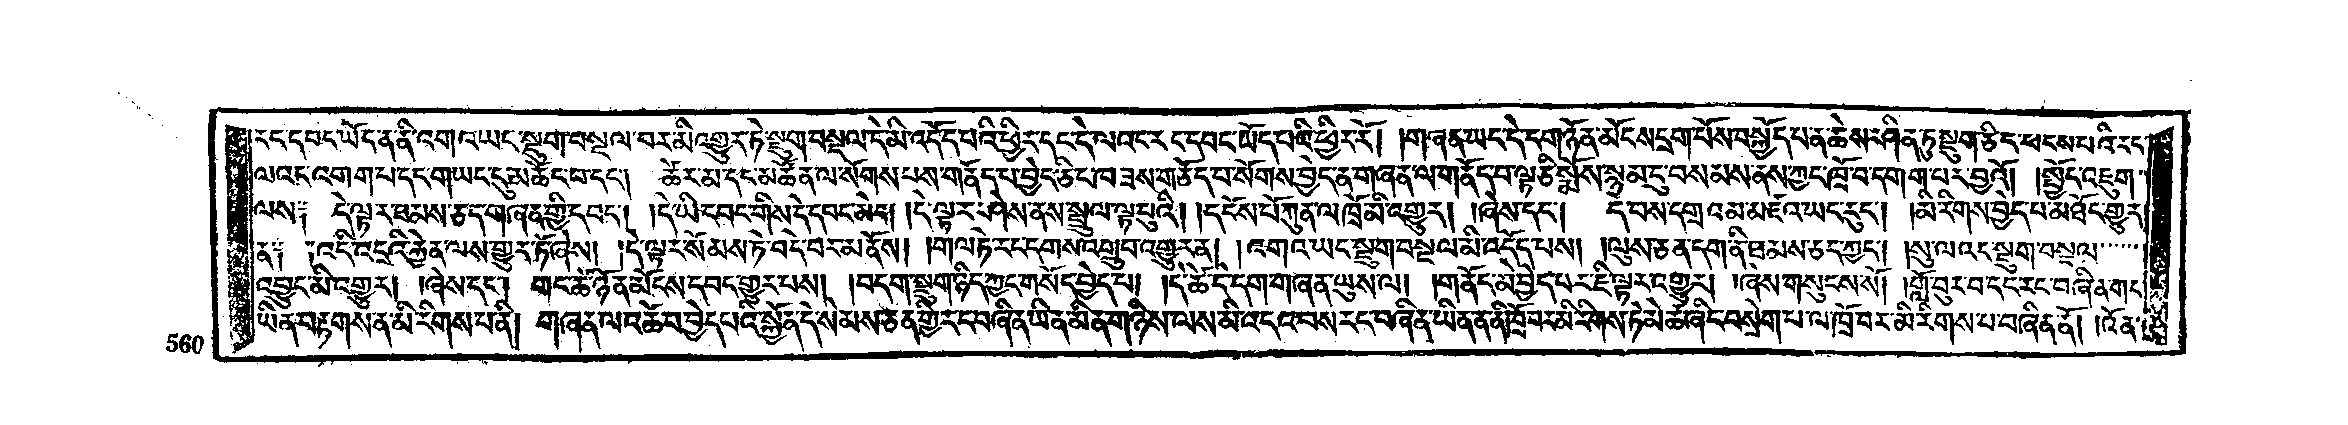རང་དབང་ཡོད་ན་ནི་འགའ་ཡང་སྡུག་བསྔལ་བར་མི་འགྱུར་ཏེ་སྡུག་བསྔལ་དེ་མི་འདོད་པའི་ཕྱིར་དང་དེ་ལའང་རང་དབང་ཡོད་པའི་ཕྱིར་རོ། །གཞན་ཡང་དེ་དག་ཉོན་མོངས་དྲག་པོ་བསྐྱོད་པ་ན་ཆེས་ཤིན་ཏུ་སྡུག་ཅིང་ཕངས་པའི་རང་
ལའང་འགག་པ་དང་གཡང་དུ་མཆོང་པ་དང་། ཚེར་མ་དང་མཚོན་ལ་སོགས་པས་གནོད་པ་བྱེད་ཅིང་ཁ་ཟས་གཅོད་པ་སོགས་བྱེད་ན་གཞན་ལ་གནོད་པ་ལྟ་ཅི་སྨོས་སྙམ་དུ་བསམས་ནས་ཀྱང་ཁྲོ་བ་དགག་པར་བྱའོ། །སྤྱོད་འཇུག་
ལས༑ དེ་ལྟར་ཐམས་ཅད་གཞན་གྱི་དབང་། །དེ་ཡི་དབང་གིས་དེ་དབང་མེད། །དེ་ལྟར་ཤེས་ནས་སྤྲུལ་ལྟ་བུའི། །དངོས་པོ་ཀུན་ལ་ཁྲོ་མི་འགྱུར། །ཞེས་དང་། དེ་བས་དགྲ་འམ་མཛའ་ཡང་རུང་། །མི་རིགས་བྱེད་པ་མཐོང་གྱུར་
ན༑ ༑འདི་འདྲའི་རྐྱེན་ལས་གྱུར་ཏོ་ཞེས། །དེ་ལྟར་སོམས་ཏེ་བདེ་བར་མནོས། །གལ་ཏེ་རང་དགས་འགྲུབ་འགྱུར་ན། །འགའ་ཡང་སྡུག་བསྔལ་མི་འདོད་པས། །ལུས་ཅན་དག་ནི་ཐམས་ཅད་ཀྱང་། །སུ་ལའང་སྡུག་བསྔལ་
འབྱུང་མི་འགྱུར། །ཞེས་དང་། གང་ཚེ་ཉོན་མོངས་དབང་གྱུར་པས། །བདག་སྡུག་ཉིད་ཀྱང་གསོད་བྱེད་པ། །དེ་ཚེ་དེ་དག་གཞན་ལུས་ལས། །གནོད་མི་བྱེད་པར་ཇི་ལྟར་འགྱུར། །ཞེས་གསུངས་སོ། །གློ་བུར་བ་དང་རང་བཞིན་གང་
ཡིན་བརྟགས་ན་མི་རིགས་པ་ནི། གཞན་ལ་འཚེ་བ་བྱེད་པའི་སྐྱོན་དེ་སེམས་ཅན་གྱི་རང་བཞིན་ཡིན་མིན་གཉིས་ལས་མི་འདའ་བས་རང་བཞིན་ཡིན་ན་ནི་ཁྲོ་བར་མི་རིགས་ཏེ་མེ་ཚ་ཞིང་བསྲེག་པ་ལ་ཁྲོ་བར་མི་རིགས་པ་བཞིན་ནོ། །འོན་